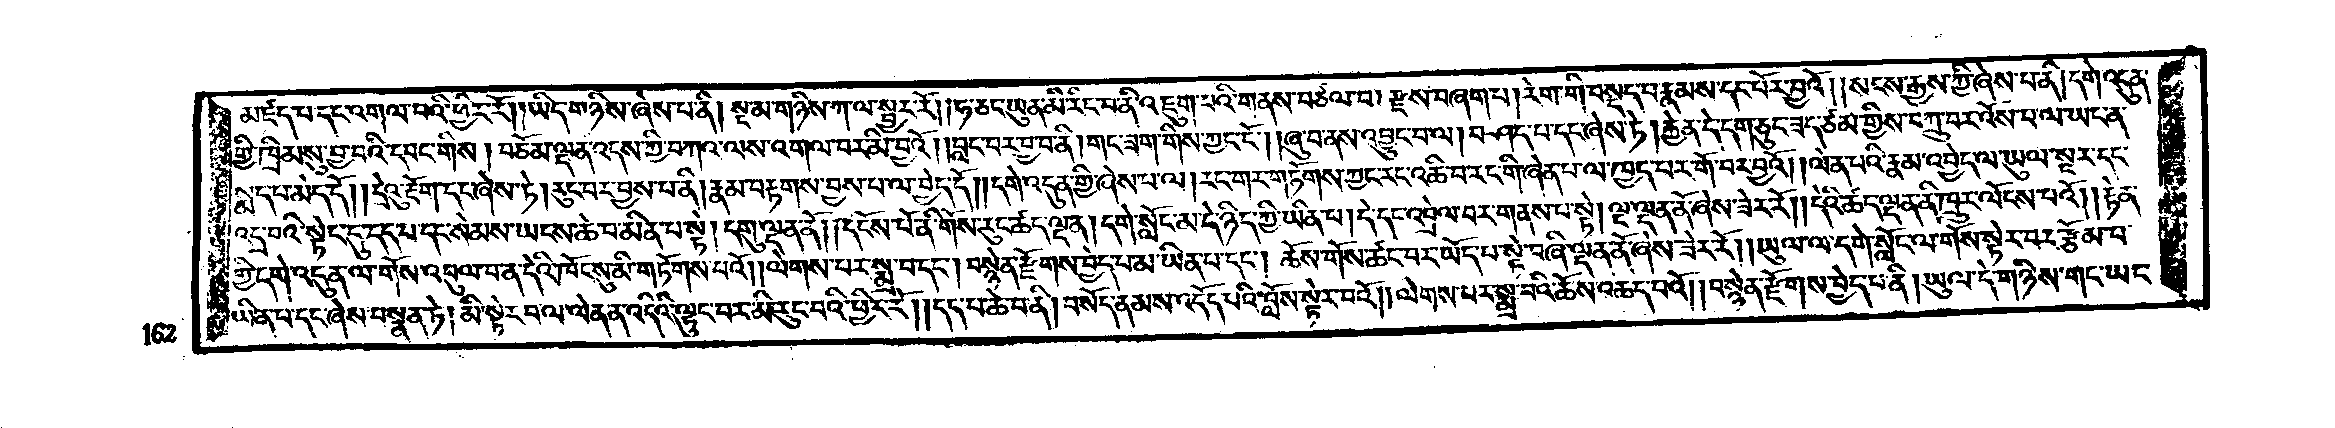མཛད་པ་དང་འགལ་བའི་ཕྱིར་རོ། །ཡིད་གཉིས་ཞེས་པ་ནི། སྔ་མ་གཉིས་ཀ་ལ་སྦྱར་རོ། །ཧ་ཅང་ཡུན་མི་རིང་བ་ནི་འཇུག་པའི་གནས་བཙལ་བ། རྫས་བཞག་པ། རེག་གི་བསྡད་པ་རྣམས་དང་པོར་བྱའོ། །སངས་རྒྱས་ཀྱི་ཞེས་པ་ནི། དགེ་འདུན་
གྱི་ཁྲིམས་སུ་བྱ་བའི་དབང་གིས། བཅོམ་ལྡན་འདས་ཀྱི་བཀའ་ལས་འགལ་བར་མི་བྱའོ། །བླང་བར་བྱ་བ་ནི། གང་ཟག་གིས་ཀྱང་ངོ། །ཞུ་བ་ནས་འབྱུང་བ་ལ། བཤད་པ་དང་ཞེས་ཏེ། རྐྱེན་དེ་དག་ཅུང་ཟད་ཙམ་གྱིས་བཀྲུ་བར་འོས་པ་ལ་ཡང་ན་
སྨད་པ་མེད་དོ། །དྲེའུ་རྡོག་དང་ཞེས་ཏེ། རུང་བར་བྱས་པ་ནི། རྣམ་བརྟགས་བྱས་པ་ལ་བྱེད་དོ། །དགེ་འདུན་གྱི་ཞེས་པ་ལ། རང་གར་གཏོགས་ཀྱང་རང་འཆི་བ་རང་གི་ཞེན་པ་ལ་ཁྱད་པར་གོ་བར་བྱའོ། །ལེན་པའི་རྣམ་འབྱེད་ལ་ཡུལ་སྔར་དང་
འདྲ་བའི་སྟེང་དུ་དད་པ་དང་སེམས་ཡངས་ཆེ་བ་མིན་པ་སྟེ། དགུ་ལྡན་ནོ། །དངོས་པོ་ནི་གོས་རུང་ཚད་ལྡན། དགེ་སློང་མ་དེ་ཉིད་ཀྱི་ཡིན་པ། དེ་དང་འབྲེལ་བར་གནས་པ་སྟེ། ལྔ་ལྡན་ནོ་ཞེས་ཟེར་རོ། །དེའི་ཚད་ལྡན་ནི་ཁྲུར་ལོངས་པའོ། །རྟེན་
གྱི་དགེ་འདུན་ལ་གོས་འབུལ་བ་ན་དེའི་ཁོངས་སུ་མི་གཏོགས་པའོ། །ལེགས་པར་སྨྲ་བ་དང་། བསྙེན་རྫོགས་བྱེད་པ་མ་ཡིན་པ་དང་། ཆོས་གོས་ཚང་བར་ཡོད་པ་སྟེ་བཞི་ལྡན་ནོ་ཞེས་ཟེར་རོ། །ཡུལ་ལ་དགེ་སློང་ལ་གོས་སྟེར་བར་རྩོམ་པ་
ཡིན་པ་དང་ཞེས་བསྣན་ཏེ། མི་སྟེར་བ་ལ་ལེན་ན་འདིའི་ལྟུང་བར་མི་རུང་བའི་ཕྱིར་རོ། །དད་པ་ཆེ་བ་ནི། བསོད་ནམས་འདོད་པའི་བློས་སྟེར་བའོ། །ལེགས་པར་སྨྲ་བའི་ཆོས་འཆད་པའོ། །བསྙེན་རྫོགས་བྱེད་པ་ནི། ཡུལ་དེ་གཉིས་གང་ཡང་